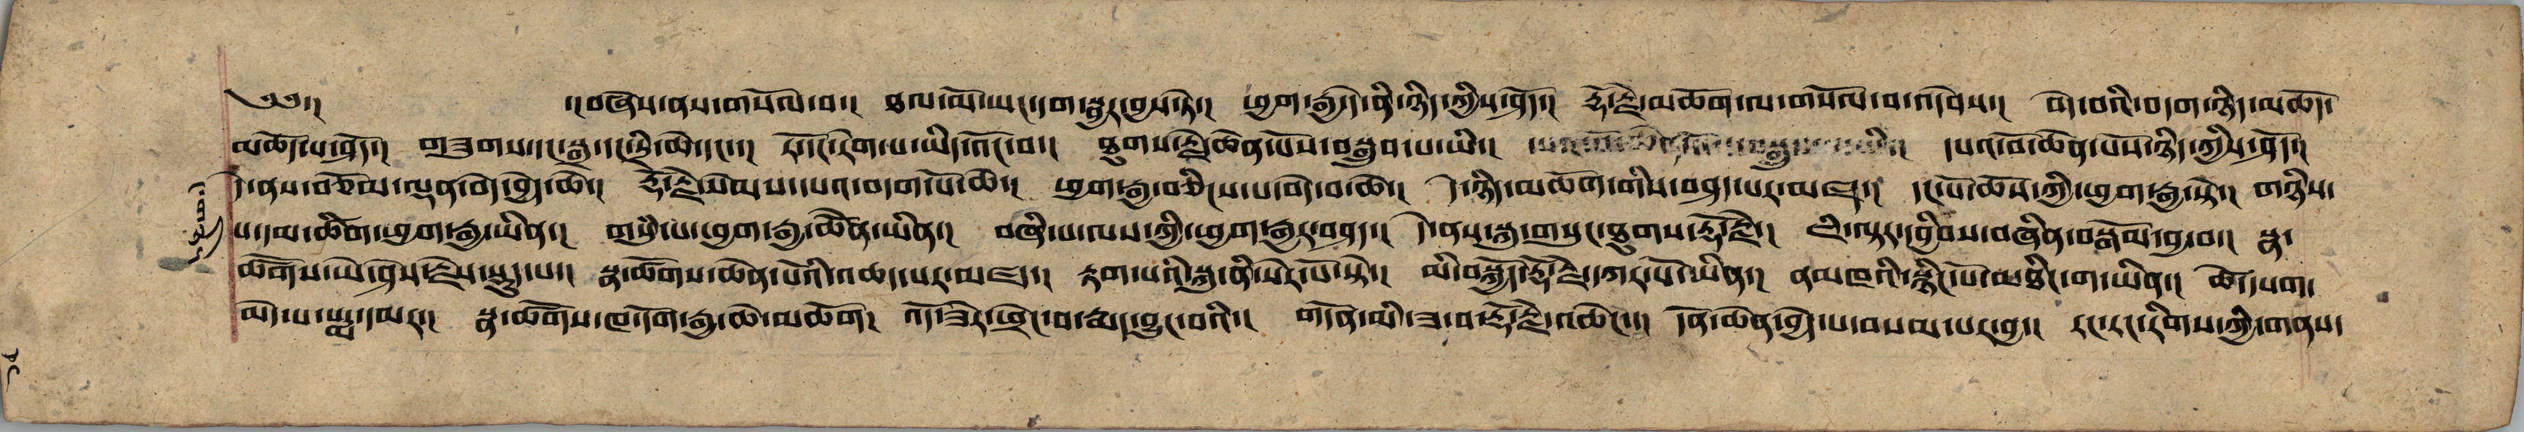༄༅་། ་།བཞེས་ནས་གསོལ་བ་། ཐལ་མོ་ཡང་དག་སྦྱར་བྱས་ཏེ་། ཕྱག་རྒྱ་དེ་ནི་ཉིད་ཀྱིས་ཤོད་། རྡོ་རྗེ་མཆོག་ལ་གསོལ་བ་འདེབས་། བདེ་བའི་བདག་ཉིད་མཆོད་
མཆོད་པ་ཤོད་། གཟུགས་དང་སྒྲ་དང་དྲི་ཆེ་དང་་། རོ་དང་རེག་པ་ཡིད་འོང་བ་། ཐུགས་རྗེ་ཆེན་པོས་བསྒྲུབ་པ་ཡི་། དཔའ་མོ་ཆེན་པོ་བསྒྲུབ་པ་ཡི་། དཔའ་བོ་ཆེན་པོས་ཉིད་ཀྱིས་ཤོད་།
དེ་ནས་བཅོམ་ལྡན་བདེ་བྱེད་ཆེ་། རྡོ་རྗེ་སེམས་དཔའ་བདག་པོ་ཆེ་། ཕྱག་རྒྱ་བཅིངས་པ་བདེ་བ་ཆེ་། དེ་ཉིད་མཆོག་གིས་བཤད་པར་མཛད་། དང་པོ་ཆོས་ཀྱི་ཕྱག་རྒྱ་སྟེ་། གཉིས་
པ་དམ་ཚིག་ཕྱག་རྒྱ་ཡིན་། གསུཾ་པ་ཕྱག་རྒྱ་ཆེནོ་ཡིན་། བཞི་པ་ལས་ཀྱིཕྱག་རྒྱར་བཤད་། དེ་ནས་སྐུ་གསུང་ཐུགས་རྡོ་རྗེ་། ཇི་ལྟར་དབྱིབས་བཞིན་བསྒོམ་བྱ་བ་། སྣ་
མགཽས་ཡེ་ཤེས་རྗེས་སྡུད་པ་། སྣ་ཚོགས་ཆེན་པོའི་འཆད་པར་མཛད་། རྟག་པའི་སྐུ་ནི་སེར་པོ་སྟེ་། མི་བསྐྱོད་རྡོ་རྗེ་དཀར་པོ་ཡིན་། ནམཁའི་སྙིང་པོ་མཐིང་ག་ཡིན་། ཚེ་དཔག་
མེད་པ་སདྨ་དམར་། སྣ་ཚོགས་ཁ་དོག་རྒྱ་ཆེ་མཆོག། འདོ་ཟེར་ཕྲེང་བ་རྨད་བྱུང་བའི་། གདོན་མི་ཟ་བ་རྡོ་རྗེ་འཆེང་་། དོན་ཆེན་བྱེདཔ་བསམ་པར་བྱ་། རང་རང་རིགས་ཀྱི་གནས་